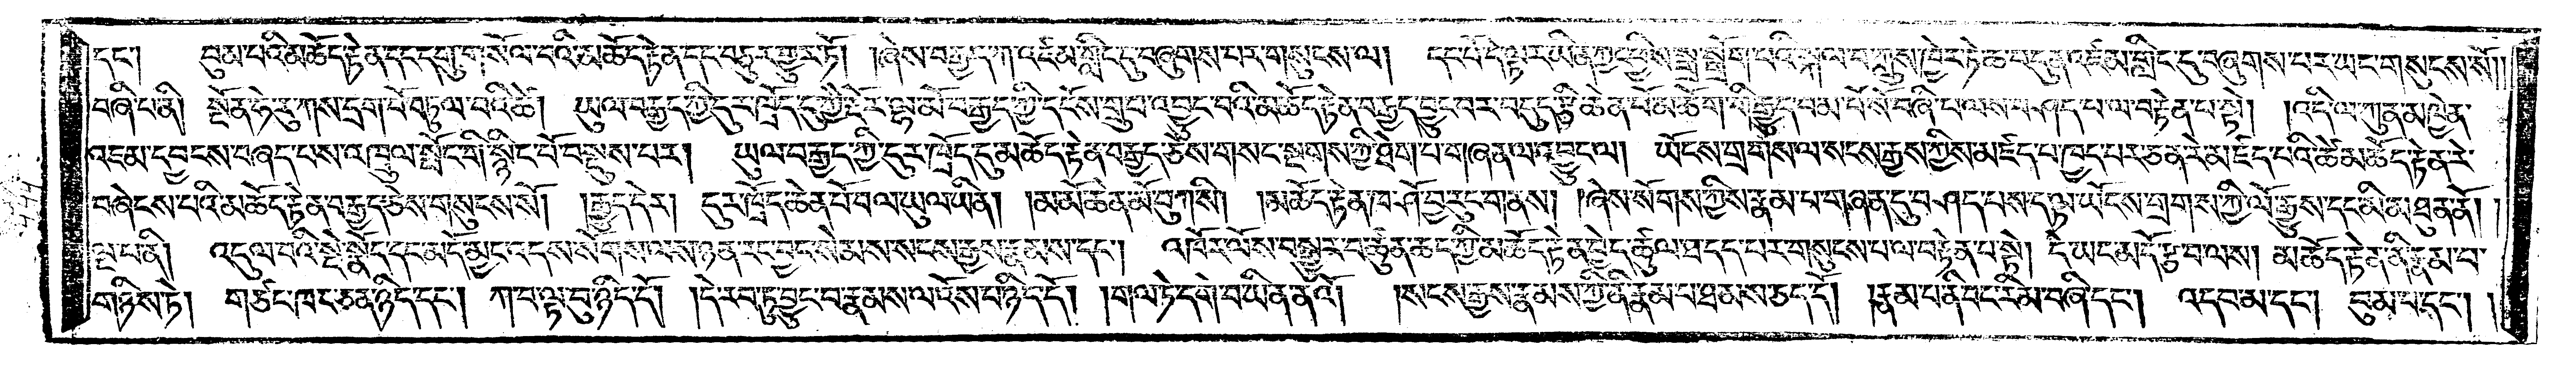དང་། བུམ་པའི་མཆོད་རྟེན་དང་དགུ་གསོལ་བའི་མཆོད་རྟེན་དང་བཅུར་གྱུར་ཏོ། །ཞེས་བརྒྱད་ཀ་འཛམ་གླིང་དུ་བཞུགས་པར་གསུངས་ལ། དང་པོ་དེ་ལྟར་ཡིན་ཀྱང་ཕྱིས་སྒྲ་སྒྲོག་པའི་སྐལ་བ་ཀླུས་ཁྱེར་ཏེ་ཆ་བདུན་འཛམ་གླིང་དུ་བཞུགས་པར་ཡང་གསུངས་སོ། །
བཞི་པ་ནི། སྔོན་ཧེ་རུ་ཀས་དྲག་པོ་བཏུལ་པའི་ཚེ། ཡུལ་བརྒྱད་ཀྱི་དུར་ཁྲོད་དུ་ཀྱཻ་རྡོར་ལྷ་མོ་བརྒྱད་ཀྱི་དངོས་གྲུབ་འབྱུང་བའི་མཆོད་རྟེན་བརྒྱད་བྱུང་བར་བདུད་རྩི་ཆེན་པོ་མཆོག་གི་རྒྱུད་བམ་པོ་སོ་བཞི་པ་ལས་བཤད་པ་ལ་བརྟེན་པ་སྟེ། འདི་ལ་ཀུན་མཁྱེན་
འཇམ་དབྱངས་བཞད་པས་འཁྲུལ་སྤོང་གི་སྙིང་པོ་བསྡུས་པར། ཡུལ་བརྒྱད་ཀྱི་དུར་ཁྲོད་དུ་མཆོད་རྟེན་བརྒྱད་ཅེས་གསང་སྔགས་ཀྱི་ཐེག་པ་གཞན་ལ་འབྱུང་ལ། ཡོངས་གྲགས་ལ་སངས་རྒྱས་ཀྱིས་མཛད་པ་ཁྱད་པར་ཅན་རེ་མཛད་པའི་ཚེ་མཆོད་རྟེན་རེ་
བཞེངས་པའི་མཆོད་རྟེན་བརྒྱད་ཅེས་གསུངས་སོ། །རྒྱུད་དེར། དུར་ཁྲོད་ཆེན་བོ་བལ་ཡུལ་ཡིན། །མ་མོ་ཆེན་མོ་བུག་སི། །མཆོད་རྟེན་ཁ་ཤོ་བྱ་རུང་གནས། །ཞེས་སོགས་ཀྱིས་རྣམ་པ་གཞན་དུ་བཤད་བསད་ལྟ་ཡོངས་གྲགས་ཀྱི་ལོ་རྒྱུས་དང་མི་མཐུན་ནོ། །
ལྔ་པ་ནི། འདུལ་བའི་སྡེ་སྣོད་དང་མདོ་མྱང་འདས་སོགས་ལས་ཉན་རང་བྱང་སེམས་སངས་རྒྱས་རྣམས་དང་། འཁོར་ལོས་བསྒྱུར་བ་ཚུན་ཆད་ཀྱི་མཆོད་རྟེན་བྱེད་ཚུལ་ཐ་དད་པར་གསུངས་པ་ལ་བརྟེན་པ་སྟེ། དེ་ཡང་མདོ་རྩ་བ་ལས། མཆོད་རྟེན་ནི་རྣམ་པ་
གཉིས་ཏེ། གཙང་ཁང་ཅན་ཉིད་དང་། ཀ་བ་ལྟ་བུ་ཉིད་དོ། །དེ་རབ་ཏུ་བྱུང་བ་རྣམས་ལ་འོས་པ་ཉིད་དོ། །གལ་ཏེ་དགེ་བ་ཡིན་ནའོ། །སངས་རྒྱས་རྣམས་ཀྱི་ནི་རྣམ་པ་ཐམས་ཅད་དོ། །རྣམ་པ་ནི་བང་རིམ་བཞི་དང་། འདབ་མ་དང་། བུམ་པ་དང་། །